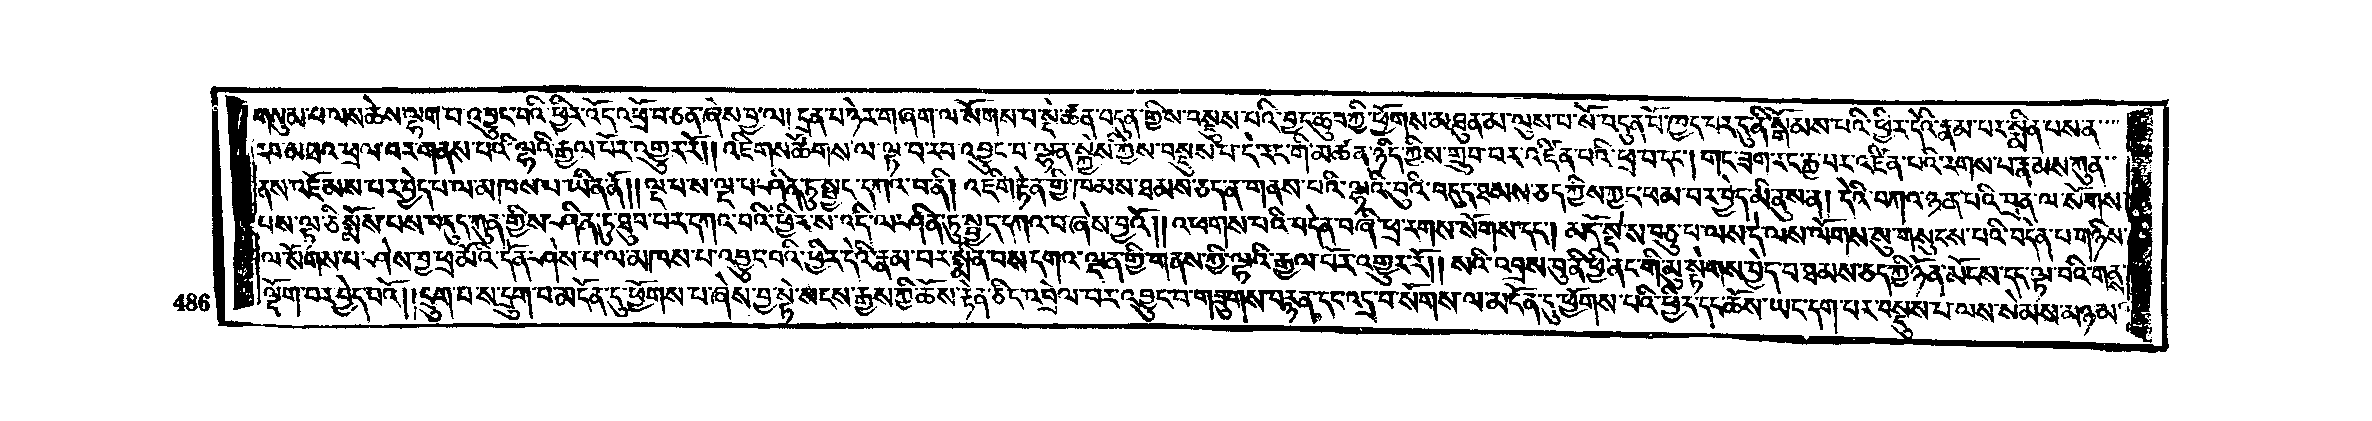གསུམ་པ་ལས་ཆེས་ལྷག་པ་འབྱུང་བའི་ཕྱིར་འོད་འཕྲོ་བ་ཅན་ཞེས་བྱ་ལ། དྲན་པ་ཉེར་གཞག་ལ་སོགས་པ་སྡེ་ཚན་བདུན་གྱིས་བསྡུས་པའི་བྱང་ཆུབ་ཀྱི་ཕྱོགས་མཐུན་མ་ལུས་པ་སོ་བདུན་པོ་ཁྱད་པར་དུ་ནི་སྒོམས་པའི་ཕྱིར་དེའི་རྣམ་པར་སྨིན་པས་ན་
རབ་མཐའ་ཕྲལ་བར་གནས་པའི་ལྷའི་རྒྱལ་པོར་འགྱུར་རོ། །འཇིགས་ཚོགས་ལ་ལྟ་བ་རབ་འབྱུང་བ་ལྷན་སྐྱེས་ཀྱིས་བསྡུས་པ་དེ་རང་གི་མཚན་ཉིད་ཀྱིས་གྲུབ་པར་འཛིན་པའི་ཕྲ་བ་དང་། གང་ཟག་རང་རྐྱ་པར་འཛིན་པའི་རགས་པ་རྣམས་ཀུན་
ནས་འཇོམས་པར་བྱེད་པ་ལ་མཁས་པ་ཡིན་ནོ། །ལྔ་པ་ས་ལྔ་པ་ཤིན་ཏུ་སྦྱང་དཀའ་བ་ནི། འཇིག་རྟེན་གྱི་ཁམས་ཐམས་ཅད་ན་གནས་པའི་ལྷའི་བུའི་བདུད་ཐམས་ཅད་ཀྱིས་ཀྱང་ཕམ་པར་བྱེད་མི་ནུས་ན། དེའི་བཀའ་ཉན་པའི་བྲན་ལ་སོགས་
པས་ལྟ་ཅི་སྨོས་པས་བདུད་ཀུན་གྱིས་ཤིན་ཏུ་ཐུབ་པར་དཀའ་བའི་ཕྱིར་ས་འདི་ལ་ཤིན་ཏུ་སྦྱང་དཀའ་བ་ཞེས་བྱའོ། །འཕགས་པའི་བདེན་བཞི་ཕྲ་རགས་སོགས་དང་། མདོ་སྡེ་ས་བཅུ་པ་ལས་དེ་ལས་ལོགས་སུ་གསུངས་པའི་བདེན་པ་གཉིས་
ལ་སོགས་པ་ཤེས་བྱ་ཕྲ་མོའི་དོན་ཤེས་པ་ལ་མཁས་པ་འབྱུང་བའི་ཕྱིར་དེའི་རྣམ་པར་སྨིན་པས་དགའ་ལྡན་གྱི་གནས་ཀྱི་ལྷའི་རྒྱལ་པོར་འགྱུར་རོ། །སའི་འབྲས་བུ་ནི་ཕྱི་ནང་གི་མུ་སྟེགས་བྱེད་པ་ཐམས་ཅད་ཀྱི་ཉོན་མོངས་དང་ལྟ་བའི་གནས་
ལྡོག་པར་བྱེད་པའོ། །དྲུག་པ་ས་དྲུག་པ་མངོན་དུ་ཕྱོགས་པ་ཞེས་བྱ་སྟེ་སངས་རྒྱས་ཀྱི་ཆོས་རྟེན་ཅིང་འབྲེལ་པར་འབྱུང་བ་གཟུགས་བརྙན་དང་འདྲ་བ་སོགས་ལ་མངོན་དུ་ཕྱོགས་པའི་ཕྱིར་དང་ཆོས་ཡང་དག་པར་བསྡུས་པ་ལས་སེམས་མཉམ་